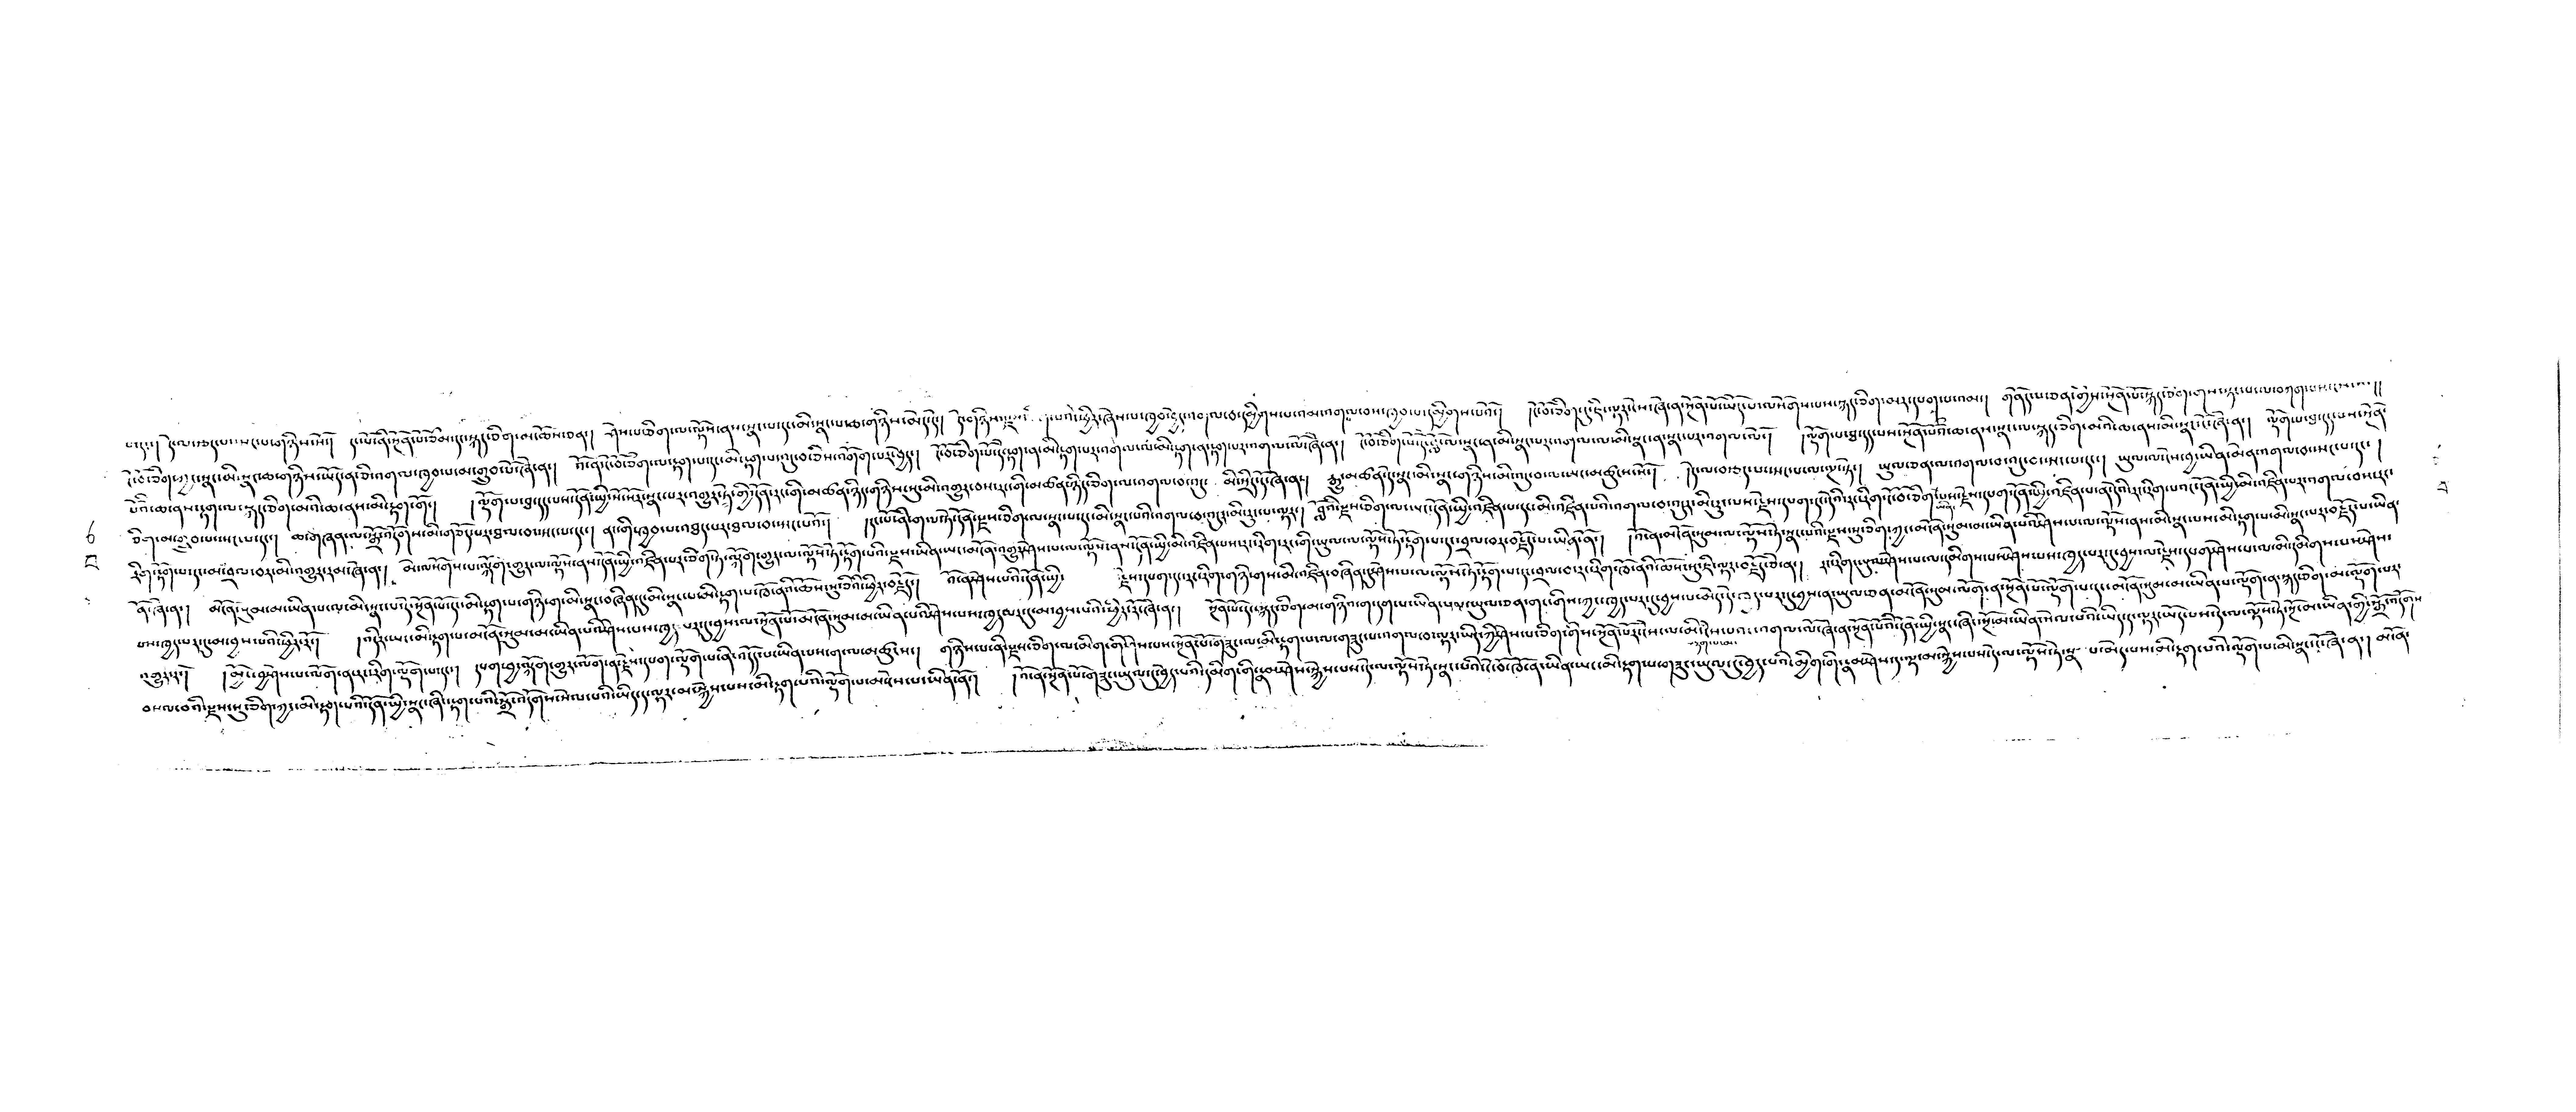པ་དང་། དེ་ལ་རྩད་པ་སྤང་པ་གཉིས་སོ། དང་པོ་ནི་སྔོན་པོ་ཙམ་དང་སྐད་ཅིག་མ་ཆོས་ཅན། ཤེས་པ་ཅིག་ལ་ལྟོས་ནས་སྣང་པ་དང་མི་སྣང་པ་ཆ་གཉིས་མེད་དེ། དེ་གཉིས་རྫས་པའི་པའི་ཕྱིར་ཞེས་པ་ཁྱབ་བྱེད་འགལ་བ་དམིགས་པ་འམ་འགལ་བས་ཁྱབ་པ་དམིགས་པའོ། །ངོ་བོ་ཅིག་དུ་ཇི་ལྟར་ངེས་ཞེ་ན་སྔོན་པོ་ཡོད་པ་ལ་སོགས་པས་སྐད་ཅིག་མར་དཔག་པ་འམ། གནོད་པ་ཅན་གྱིས་སྔོན་པོ་སྐད་ཅིག་གིས་སྟོང་པ་ལ་བཀག་པས་ངེས་སོ།།
ངོ་བོ་ཅིག་ཀྱང་སྣང་མི་སྣང་ཆ་གཉིས་ཡོད་ན་ཅི་འགལ་ཁྱབ་པ་མ་གྲུབ་པོ་ཞེ་ན། འོ་ན་ངོ་བོ་ཅིག་ལ་རྟག་པ་དང་མི་རྟག་པ་འདུ་བ་ཅིས་འགོག་པར་བྱེད། ངོ་བོ་ཅིག་པོ་དེ་རྟག་ན་མི་རྟག་པར་འགལ་ལ་མི་རྟག་ན་རྟག་པར་འགལ་ལོ་ཞེ་ན། ངོ་བོ་ཅིག་པོ་དེ་བློ་སྣང་ན་མི་སྣང་པར་འགལ་ལ་མི་སྣང་ན་སྣང་པར་འགལ་ལོ། །ལྡོག་པ་ཐ་དད་པས་སྔོན་པོའི་ཆ་ནས་སྣང་ལ་སྐད་ཅིག་མའི་ཆ་ནས་མི་སྣང་ངོ་ཞེ་ན། ལྡོག་པ་ཐ་དད་པས་སྔོན་
པོའི་ཆ་ནས་རྟག་ལ་སྐད་ཅིག་མའི་ཆ་ནས་མི་རྟག་གོ། །ལྡོག་པ་ཐ་དད་པས་དོན་སྤྱི་སོ་སོར་སྣང་པར་འགྱུར་ཏེ་གྱི་དོན་རང་གི་མཚན་ཉིད་གཉིས་སུ་མི་འགྱུར་བས་རང་གི་མཚན་ཉིད་ཅིག་ལ་འགལ་བ་འདུ་མི་སྲིད་དོ་ཞེ་ན། རྒྱུ་མཚན་དེ་སྣང་མི་སྣང་གཉིས་མི་འདུ་བ་ལ་ཡང་མཚུངས་སོ། །དེ་ལ་བཙད་པ་སྤང་པ་ལ་ལྔ་སྟེ། ཡུལ་ཅན་ལ་འགལ་བ་འདུ་བ་སྤང་པ་དང་། ཡུལ་ལ་ངེས་བྱ་ཡིན་མེན་འགལ་བ་སྤང་པ་དང་།
ཅིག་མ་གྲུབ་པ་སྤང་པ་དང་། ཆ་གཞན་ལ་སྒྲོ་འདོགས་མི་གཅོད་པར་ཐལ་བ་སྤང་པ་དང་། ནང་གི་ཁྱབ་པ་འཐད་པར་ཐལ་བ་སྤང་པའོ། །དང་པོ་ནི་གལ་ཏེ་དོན་རྫས་ཅིག་ལ་སྣང་པ་དང་མི་སྣང་པའི་འགལ་བ་འདུར་མི་རུང་པ་ལྟར། བློའི་རྫས་ཅིག་ལ་ཡང་དོན་སྤྱི་འཛིན་པ་དང་མི་འཛིན་པའི་འགལ་བ་འདུར་མི་རུང་པས་རྗེས་དཔག་དང་དེའི་རང་རིག་ངོ་བོ་ཅིག་ཡིན་པས་རྗེས་དཔག་དོན་སྤྱི་འཛིན་པ་ན་དེའི་རང་རིག་པའང་དོན་སྤྱི་མི་འཛིན་པར་འགལ་བས་རང་
རིག་རྟོག་པ་དང་མ་བྲལ་བར་མི་འགྱུར་རམ་ཞེ་ན། མེ་ལ་སོགས་པ་ལྐོག་གྱུར་ལ་ལྟོས་ནས་དོན་སྤྱི་འཛིན་པར་ཅིག་ཏེ་ལྐོག་གྱུར་ལ་ལྟོས་ཏེ་རྟོག་པའི་རྫས་ཡིན་ཡང་མངོན་འགྱུར་ཤེས་པ་ལ་ལྟོས་ནས་དོན་སྤྱི་མི་འཛིན་པས་རང་རིག་རང་གི་ཡུལ་ལ་ལྟོས་ཏེ་རྟོག་པ་དང་བྲལ་བར་བརྗོད་པ་ཡིན་ནོ། །འོ་ན་མངོན་སུམ་ལ་ལྟོས་ཏེ་སྣང་པའི་རྫས་སུ་ཅིག་ཀྱང་མངོན་སུམ་མ་ཡིན་པའི་ཤེས་པ་ལ་ལྟོས་ནས་མི་སྣང་པས་མི་རྟག་པ་མི་སྣང་པར་བརྗོད་པ་ཡིན་
ནོ་ཞེ་ན། མངོན་སུམ་མ་ཡིན་པ་ལ་མི་སྣང་པ་དེ་སྔོན་པོ་དང་མི་རྟག་པ་གཉི་ག་མི་སྣང་བཞིན་དུ་མི་སྣང་པ་མི་རྟག་པ་ཁོ་ནའི་ཆོས་སུ་ཅིའི་ཕྱིར་བརྗོད། འོ་ན་ཤེས་པའི་དོན་སྤྱི་རྗེས་དཔག་དང་རང་རིག་གཉི་གས་མི་འཛིན་བཞིན་དུ་ཤེས་པ་ལ་ལྟོས་རྟོག་པ་དང་བྲལ་བ་རང་རིག་ཁོ་ནའི་ཆོས་སུ་ཇི་ལྟར་བརྗོད་ཅེ་ན། རང་རིག་སུ་མ་ཤེས་པ་ལ་དམིགས་པས་ཤེས་པས་ཁྱད་པར་དུ་བྱས་ལ་རྗེས་དཔག་ཤེས་པ་ལ་མི་དམིགས་པས་ཤེས་
པས་ཁྱད་པར་དུ་མ་བྱས་པའི་ཕྱིར་རོ། །འདིར་ཡང་མི་རྟག་པ་མངོན་སུམ་མ་ཡིན་པའི་ཤེས་པས་ཁྱད་པར་དུ་མྦྱས་ལ་སྔོན་པ་མངོན་སུམ་མ་ཡིན་པའི་ཤེས་པས་ཁྱད་མར་དུ་མ་བྱས་པའི་ཕྱིར་རོ་ཞེ་ན། སྔོན་པོ་དང་སྐད་ཅིག་མ་གཉིའ་ག་དག་པ་ཡིན་པས་ཡུལ་ཅན་གང་གིས་ཀྱང་ཁྱད་པར་དུ་བྱས་པ་མེད་དེ་ཁྱད་པར་དུ་བྱས་ན་ཡུལ་ཅན་མངོན་སུམ་ལོག་ན་སྔོན་པོ་ལྡོག་པ་དང་མངོན་སུམ་མ་ཡིན་པ་ལྡོག་ན་སྐད་ཅིག་མ་ལྡོག་པར་
འགྱུར་རོ། །མྱོང་བྱ་ཤེས་པ་ལོག་ན་རང་རིག་ལྡོག་པ་དང་། དཔག་བྱ་ལྐོག་གྱུར་ལོག་ན་རྗེས་དཔག་ལྡོག་པ་ནི་འདོད་པ་ཡིན་པས་ག་ལ་མཚུངས། གཉིས་པ་ནི་རྫས་ཅིག་ལ་མིག་གི་ཤེས་པས་སྔོན་པོ་གཟུང་ལ་མི་རྟག་པ་ལ་གཟུང་པ་འགལ་བ་ལྟར་ཡིད་ཀྱི་ཤེས་པ་ཅིག་གིས་སྔོན་པོར་ངེས་ལ་མི་ངེས་པའང་འགལ་ལོ་ཞེ་ན་སྔོན་པོའི་དོན་སྤྱི་སྣང་ཞི་སྔོ་མ་ཡིན་སེལ་བའི་ཡིད་ད་ལྟར་ཡོད་པས་དེ་ལ་ལྟོས་ཏེ་སྔོ་མ་ཡིན་གྱི་སྒྲོ་འདོགས་
བསལ་བའི་རྫས་སུ་ཅིག་ཀྱང་མི་རྟག་པའི་དོན་སྤྱི་སྣང་ཞིང་རྟག་པའི་སྒྲོ་འདོགས་སེལ་པའི་ཡིད་ད་ལྟར་མ་སྐྱེས་པས་མི་རྟག་པའི་ལྡོག་པ་མ་ངེས་པ་ཡིན་ནོ། །འོ་ན་སྔོན་པོ་གཟུང་ཡུལ་དུ་བྱེད་པའི་དམིག་གི་རྣ་བ་ཤེས་སྐྱེས་པས་དེ་ལ་ལྟོས་ཏེ་སྣང་པའི་ངོ་བོ་ཁོ་ན་ཡིན་ཡང་མི་རྟག་པ་གཟུང་ཡུལ་དུ་བྱེད་པའི་མྱིག་གི་རྣམ་ཤེས་ད་ལྟ་མ་སྐྱེས་པས་དེ་ལ་ལྟོས་ཏེ་སྣ་པ་མེད་པས་མི་རྟག་པའི་ལྡོག་པ་མི་སྣང་ངོ་ཞེ་ན། མངོན་